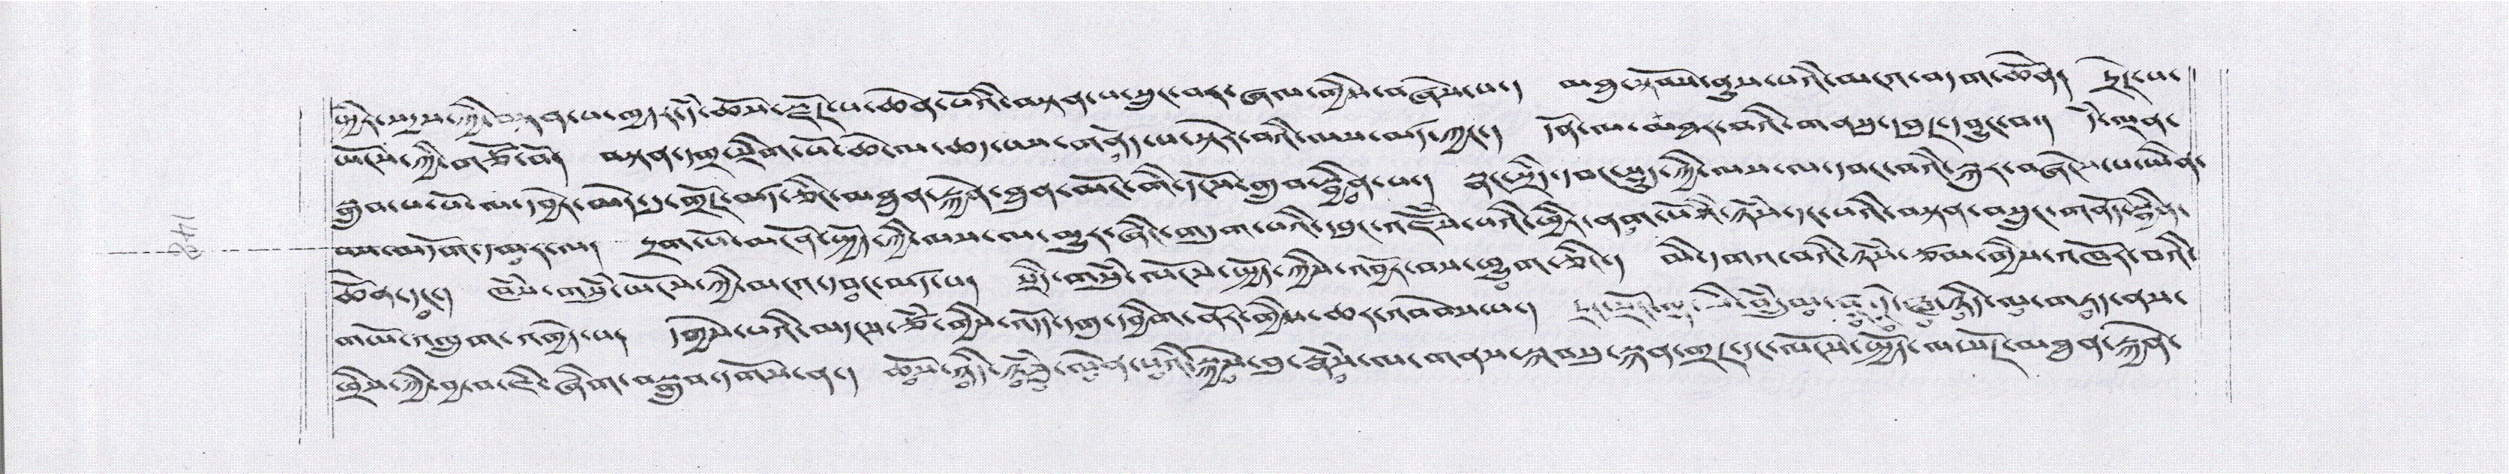སྤྱིར་སངས་རྒྱས་ཀྱི་བསྟན་པ་ཁྱད་པར་དམ་ཆོས་རྫོགས་པ་ཆེན་པོའི་བསྟན་པ་སྲུང་བར་ཞལ་གྱིས་བཞེས་པ། མཐུ་སྟོབས་ནུས་པའི་མངའ་བདག་ཆེན་པོ། དྲེགས་པ་
ཡོངས་ཀྱི་གཙོ་བོ། བསྟན་པ་དགྲ་སྡིག་པོ་ཆེ་ལ་ཆད་པས་གནོད་པ་སྟེར་བའི་ལས་མཛད་ཀྱང་། དོན་ལ་ཐར་པའི་གནས་སུ་དབུགས་དབྱུང་བ། དམ་ལྡན་
སྒྲུབ་པ་པོ་ལ་དབྱེར་མེད་དུ་གྲོགས་མཛད་ཅིང་མཐུན་རྐྱེན་ཐུན་མོང་གི་དངོས་གྲུབ་སྦྱིན་པ། སྣང་སྲིད་དབང་སྡུད་ཀྱི་ལས་ལ་དབང་བའི་སྐུར་བཞེངས་པ་ཡིན་
པས་དམར་མདོག་དམར་བ། དྲག་པོ་མངོན་སྤྱོད་ཀྱི་ལས་ལ་མྱུར་ཞིང་གདུག་པའི་དཔུང་འཇོམ་པའི་ཕྱིར་ནག་པོའི་ཉམས་དང་སའི་བསྟན་སྲུང་གནོད་སྦྱིན་
ཆེན་པོ་དང་། ཁམས་གསུམ་ཡོངས་ཀྱི་མངའ་དབང་མཛད་པ། སྲིད་གསུམ་ལོངས་སྤྱོད་ཀྱི་འབྱོར་བས་ཕྱུག་ཅིང་། མི་དགའ་བའི་ཉམས་ཙམ་གྱིས་འཁོར་བའི་
གཡོ་འཁྲུག་འགྱེད་པ། དགྱེས་པའི་མདངས་ཙམ་གྱིས་འདོད་དགུ་དབྱིགས་ནོར་གྱི་ཆར་འབེབས་པ། དྲང་སྲོང་ལྷ་ཡི་བླ་མ་མ་ཧ་དེ་ཝ་ཉིད་ལ་གཏད་ནས་
ཕྲིན་ལས་ཀྱི་བྱ་བ་ཅི་ཞིག་བསྒྲུབ་དགོས་ན། ཆོས་ཉིད་ཉམས་སུ་ལེན་པའི་སྐྱེས་བུ་རྣམས་ལ་གནས་སྐབས་སུ་སྙན་གྲགས་དང་ལོངས་སྤྱོད་ལ་སོགས་མཐུན་རྐྱེན་